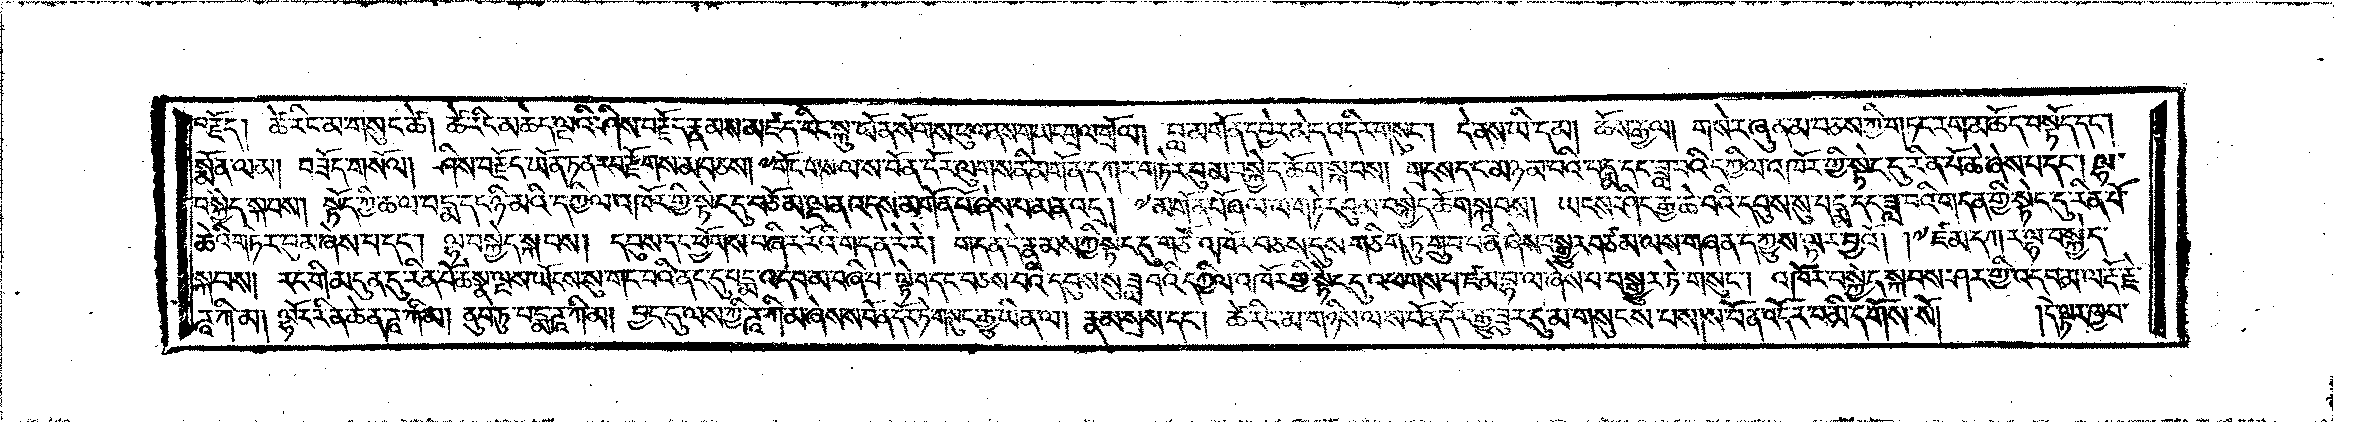བརྗོད། ཚེ་རིང་མ་གསུང་ཚེ། ཚེ་རིང་མཆེད་ལྔའི་ཤིས་བརྗོད་རྣམས་མཛད་རིང་སྐུ་ཡོན་སོགས་ཕུལ་ནས་གཡང་གྲལ་གྲོལ། བླ་མགོན་དབྱེར་མེད་འདིར་གསུང་། དེ་ནས་ཡི་དམ། ཆོས་རྒྱལ། གསེར་ཞུན་མ་བཅས་ཀྱི་གཏང་རག་མཆོད་བསྟོད་དང་།
སྨོན་ལམ། བཟོད་གསོལ། ཤིས་བརྗོད་ཡོན་ཏན་རབ་རྫོགས་མ་བཅས། ༧་གོང་གསལ་ས་བོན་དོར་ལུགས་ནི་མགོན་དཀར་གཏེར་བུམ་བསྐྱེད་ཆོག་སྐབས། གྲངས་དང་མཉམ་པའི་པདམ་དང་ཟླ་བའི་དཀྱིལ་འཁོར་གྱི་སྟེང་དུ་རིན་པོ་ཆེ་ཞེས་པ་དང་། ལྷ་
བསྐྱེད་སྐབས། སྟོད་ཀྱི་ཆ་ལ་པདམ་དང་ཉི་མའི་དཀྱིལ་འཁོར་གྱི་སྟེང་དུ་བཅོམ་ལྡན་འདས་མགོན་པོ་ཞེས་པ་མན་འདྲ། ༧་མགོན་པོ་ཞལ་ལ་གཏེར་བུམ་བསྐྱེད་ཆོག་སྐབས། ཡངས་ཤིང་རྒྱ་ཆེ་བའི་དབུས་སུ་པདམ་དང་ཟླ་བའི་གདན་གྱི་སྟེང་དུ་རིན་པོ་
ཆེའི་གཏེར་བུ་མ་ཞེས་པ་དང་། ལྷ་བསྐྱེད་སྐབས། དབུས་དང་ཕྱོགས་བཞིར་རོའི་གདན་རེ་རེ། གདན་དེ་རྣམས་ཀྱི་སྟེང་དུ་གཙོ་འཁོར་བཅས་དུས་གཅིག་ཏུ་གྲུབ་པ་ནི་ཞེས་བསྒྱུར་བཙམ་ལས་གཞན་དཀྱུས་ལྟར་བྱའོ། །༧ཛམ་དཀར་ལྷ་བསྐྱེད་
སྐབས། རང་གི་མདུན་དུ་རིན་པོ་ཆེ་སྣ་ལྔས་ཡོངས་སུ་གང་བའི་ནང་དུ་པདམ་འདབ་མ་བཞི་པ་སྟེ་བ་དང་བཅས་པའི་དབུས་སུ་ཟླ་བའི་དཀྱིལ་འཁོར་གྱི་སྟེང་དུ་འཕགས་པ་ཛམ་བྷ་ལ་ཞེས་པ་བསྒྱུར་ཏེ་གསུང་། འཁོར་བསྐྱེད་སྐབས་ཤར་གྱི་འདབ་མ་ལ་རྡོ་རྗེ་
ཌཱ་ཀི་མ། ལྷོར་རིན་ཆེན་ཌཱ་ཀིམ། ནུབ་ཏུ་པདམ་ཌཱ་ཀི་མ། བྱང་དུ་ལས་ཀྱི་ཌཱ་ཀི་མ་ཞེས་ས་བོན་དོར་ཏེ་གསུང་རྒྱུ་ཡིན་ལ། རྣམ་སྲས་དང་། ཚེ་རིང་མ་གཉིས་ལ་ས་བོན་དོར་རྒྱུ་ཟུར་དུ་མ་གསུངས་པས། ས་བོན་འདོར་བ་མི་དགོས་སོ། །དེ་ལྟར་ཁྱབ་